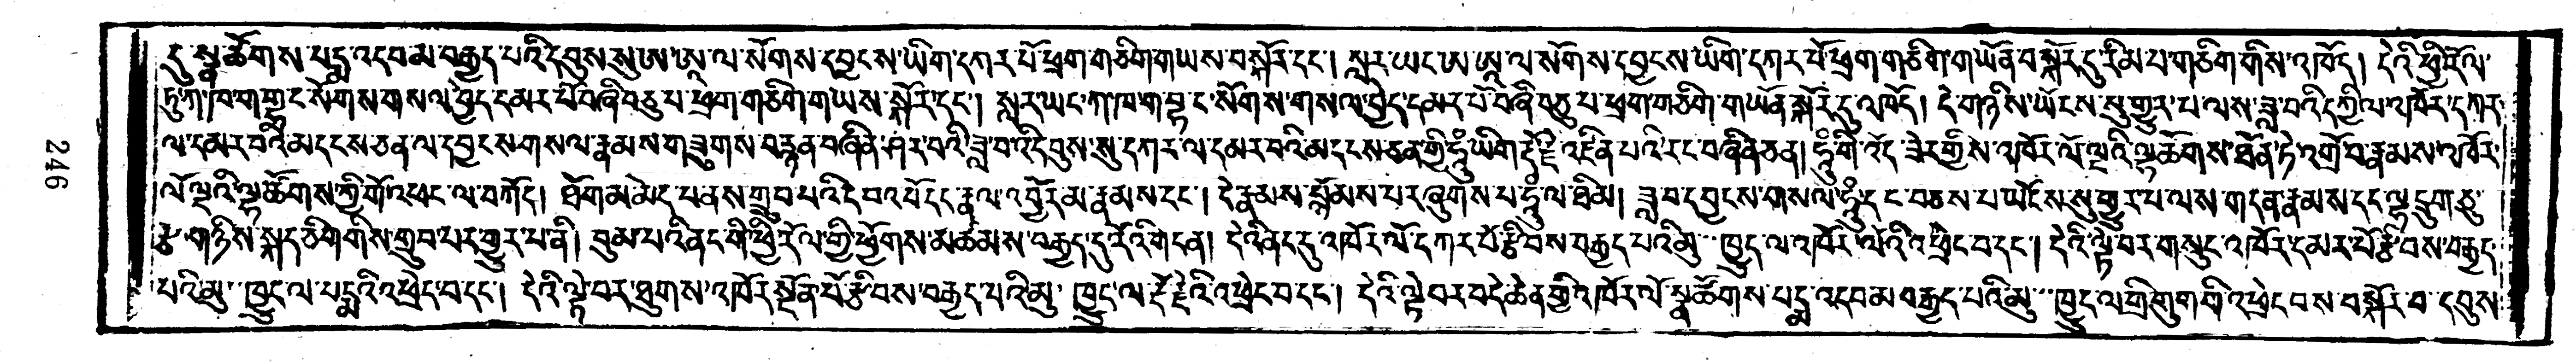དུ་སྣ་ཚོགས་པདམ་འདབ་མ་བརྒྱད་པའི་དབུས་སུ་ཨ་ཨཱ་ལ་སོགས་དབྱངས་ཡིག་དཀར་པོ་ཕྲག་གཅིག་གཡས་བསྐོར་དང་། སླར་ཡང་ཨ་ཨཱ་ལ་སོགས་དབྱངས་ཡིག་དཀར་པོ་ཕྲག་གཅིག་གཡོན་བསྐོར་དུ་རིམ་པ་གཅིག་གིས་འཁོད། དེའི་ཕྱི་རོལ་
ཏུ་ཀ་ཁ་ག་གྷ་ང་སོགས་གསལ་བྱད་དམར་པོ་བཞི་བཅུ་པ་ཕྲག་གཅིག་གཡས་སྐོར་དང་། སླར་ཡང་ཀ་ཁ་ག་བྷ་ང་སོགས་གསལ་བྱེད་དམར་པོ་བཞི་བཅུ་པ་ཕྲག་གཅིག་གཡོན་སྐོར་དུ་འཁོད། དེ་གཉིས་ཡོངས་སུ་གྱུར་པ་ལས་ཟླ་བའི་དཀྱིལ་འཁོར་དཀར་
ལ་དམར་བའི་མདངས་ཅན་ལ་དབྱངས་གསལ་རྣམས་གཟུགས་བརྙན་བཞིན་ཤར་བའི་ཟླ་བའི་དབུས་སུ་དཀར་ལ་དམར་བའི་མདངས་ཅན་གྱི་ཧཱུཾ་ཡིག་རྡོ་རྗེ་འཛིན་པའི་རང་བཞིན་ཅན། ཧཱུཾ་གི་འོད་ཟེར་གྱིས་འཁོར་ལོ་ལྔའི་ལྷ་ཚོགས་ཐོན་ཏེ་འགྲོ་བ་རྣམས་འཁོར་
ལོ་ལྔའི་ལྷ་ཚོགས་ཀྱི་གོ་འཕང་ལ་བཀོད། ཐོག་མ་མེད་པ་ནས་གྲུབ་པའི་དཔའ་པོ་དང་རྣལ་འབྱོར་མ་རྣམས་དང་། དེ་རྣམས་སྙོམས་པར་ཞུགས་པ་ཧཱུཾ་ལ་ཐིམ། ཟླ་བ་དབྱངས་གསལ་ཧཱུཾ་དང་བཅས་པ་ཡོངས་སུ་གྱུར་པ་ལས་གདན་རྣམས་དང་ལྷ་དྲུག་ཅུ་
རྩ་གཉིས་སྐད་ཅིག་གིས་གྲུབ་པར་གྱུར་པ་ནི། བུམ་པའི་ནང་གི་ཕྱི་རོལ་གྱི་ཕྱོགས་མཚམས་བརྒྱད་དུ་རོའི་གདན། དེའི་ནང་དུ་འཁོར་ལོ་དཀར་པོ་རྩིབས་བརྒྱད་པའི་མུ་ཁྱུད་ལ་འཁོར་ལོའི་འཕྲེང་བ་དང་། དེའི་ལྟེ་བར་གསུང་འཁོར་དམར་པོ་རྩིབས་བརྒྱད་
པའི་མུ་ཁྱུད་ལ་པདམའི་འཕྲེང་བ་དང་། དེའི་ལྟེ་བར་ཐུགས་འཁོར་སྔོན་པོ་རྩིབས་བརྒྱད་པའི་མུ་ཁྱུད་ལ་རྡོ་རྗེའི་འཕྲེང་བ་དང་། དེའི་ལྟེ་བར་བདེ་ཆེན་གྱི་འཁོར་ལོ་སྣ་ཚོགས་པདམ་འདབ་མ་བརྒྱད་པའི་མུ་ཁྱུད་ལ་གྲི་གུག་གི་འཕྲེང་བས་བསྐོར་བ་དབུས་